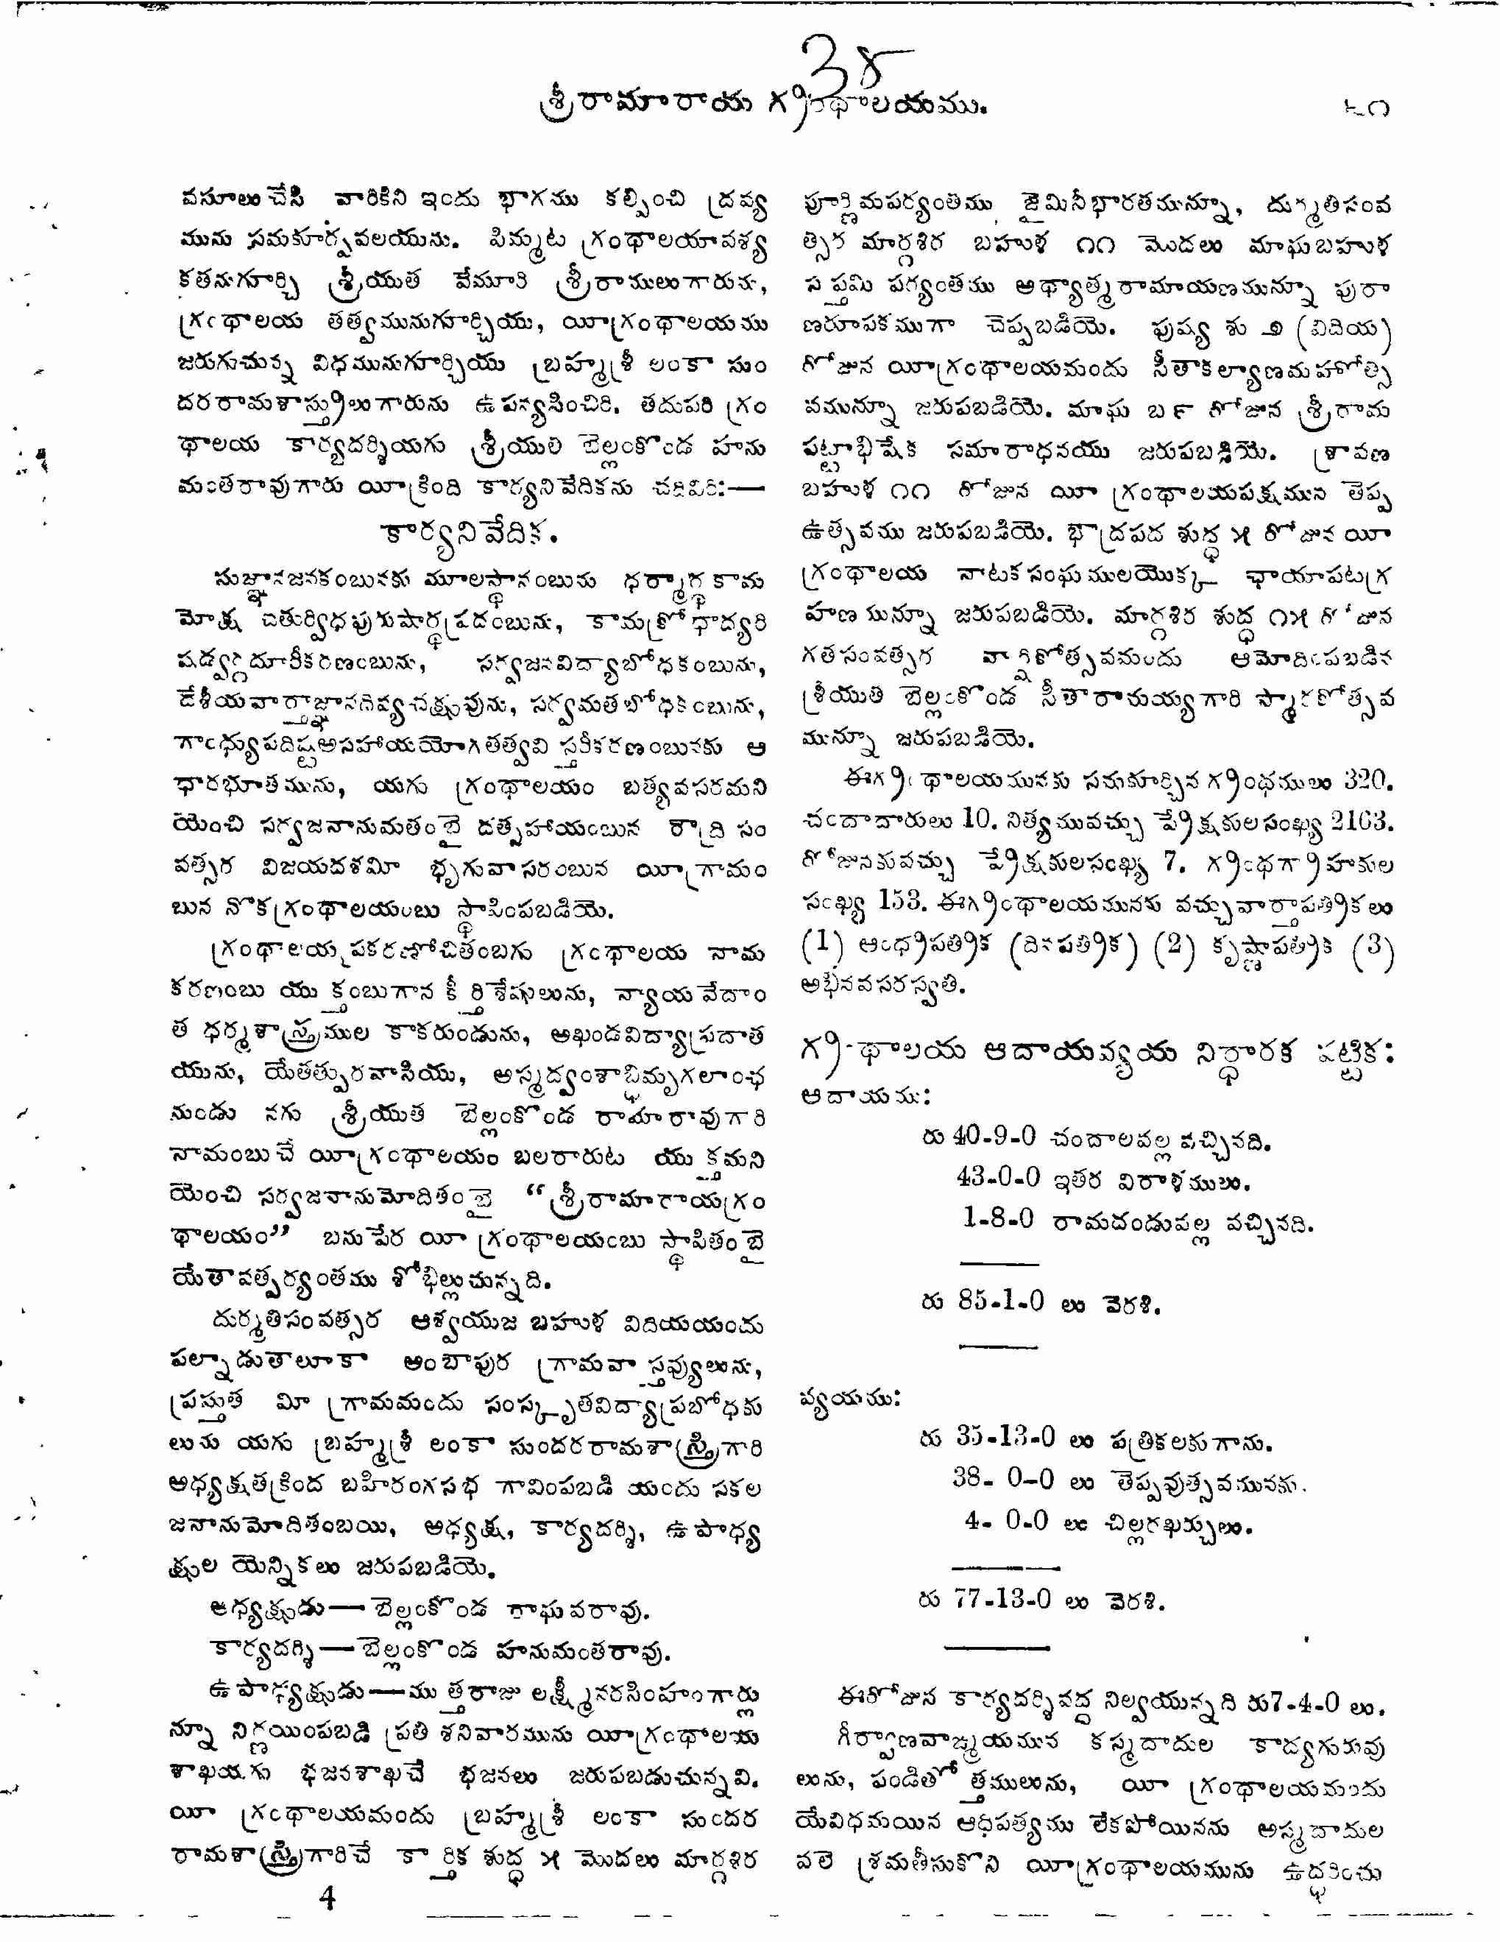వసూలు చేసి వారికిని ఇందు భాగము కల్పించి ద్రవ్యమును సమకూర్పవలయును. పిమ్మట గ్రంథాలయావశ్యకతను గూర్చి శ్రీయుత వేమూరి శ్రీరాములుగారును, గ్రంథాలయ తత్వమును గూర్చియు, యీ గ్రంథాలయము జరుగుచున్న విధమును గూర్చియు బ్రహ్మశ్రీ లంకా సుందరరామశాస్త్రులు గారును ఉపన్యసించిరి. తదుపరి గ్రంథాలయ కార్యదర్శియగు శ్రీయులి బెల్లంకొండ హనుమంతరావు గారు యీ క్రింది కార్యనివేదికను చదిపిరి: —

సుజ్ఞానజనకంబునకు మూలస్థానంబును ధర్మార్థ కామమోక్ష చాతుర్విధ పురుషార్థప్రదంబును, కామక్రోధాద్యరి షడ్వర్గ దూరీకరణంబును, సర్వజన విద్యాబోధకంబును, దేశీయవార్తాజ్ఞాసదివ్యచక్షువును,సర్వమతబోధికంబును,గాఁధ్యుపదిష్ట అసహాయయోగితత్వవిస్తరీ కరణంబునకు,ఆధారభూతమును, యగు గ్రంథాలయం బత్యవసరమనియెంచి సర్వజనానుమతంబై దత్సహాయంబున రౌద్రి సంవత్సర విజయదశమి భృగువాసరంబున యీ గ్రామంబున నొక గ్రంథాలయంబు స్థాపింపబడియె.

గ్రంథాలయ ప్రకరణోచితంబగు గ్రంథాలయ నామకరణంబు యుక్తంబుగాన కీర్తిశేషులును, న్యాయవేదాంత ధర్మశాస్త్రముల కాకరుండును, అఖండ విద్యాప్రదాతయును, యేతత్పురవాసియు, అస్మద్వంశాభిమృగలాంఛ నుండు నగు శ్రీయుత బెల్లంకొండ రామారావుగారి నామంబుచే యీ గ్రంథాలయం బలరారుట యుక్తమని యెంచి సర్వజనానుమోదితంబై " శ్రీ రామా రాయగ్రంథాలయం” బనుపేర యీ గ్రంథాలయంబు స్థాపితంబై యేతావత్పర్యంతము శోభిల్లుచున్నది.

దుర్మతిసంవత్సర ఆశ్వయుజ బహుళ విదియయందు పల్నాడుతాలూకా అంబాపుర గ్రామవాస్తవ్యులును, ప్రస్తుత మీ గ్రామమందు సంస్కృతవిద్యాప్రబోధకులును యగు బ్రహ్మశ్రీ లంకా సుందరరామశాస్త్రిగారి అధ్యక్షతక్రింద బహిరంగసభ గావింపబడి యందు సకల
జనానుమోదిశంబయి, అధ్యక్ష, కార్యదర్శి, ఉపాధ్యక్షుల యెన్నికలు జరుపబడియె. 

అధ్యక్షుడు— బెల్లంకొండ రాఘవరావు.
కార్యదర్శి — బెల్లంకొండ హనుమంతరావు.
ఉపాధ్యక్షుడు —ముత్తరాజు లక్ష్మీనరసింహం గార్లున్నూ నిర్ణయింపబడి ప్రతి శనివారమును యీ గ్రంథాలయ శాఖయగు భజనశాఖచే భజనలు జరుపబడుచున్నవి. యీ గ్రంథాలయమందు బ్రహ్మశ్రీ లంకా సుందర రామశాస్త్రిగారిచే కార్తిక శుద్ధ ౫ మొదలు మార్గశిర
పూర్ణిమపర్యంతము జైమినీ భారతమున్నూ, దుర్మతిసంవత్సర మార్గశిర బహుళ ౧౧ మొదలు మాఘ బహుళ సప్తమి పర్యంతము అధ్యాత్మ రామాయణమున్నూ పురాణరూపకముగా చెప్పబడియె. పుష్య శు ౨ (విదియ) రోజున యీగ్రంథాలయమందు సీతాకల్యాణ
మహోత్సవమున్నూ జరుపబడియె. మాఘ బ౯ రోజున శ్రీరామపట్టాభిషేక సమారాధనయు జరుపబడియె. శ్రావణబహుళ ౧౧ రోజున యీ గ్రంథాలయపక్షముని తెప్పఉత్సవము జరుపబడియె. భాద్రపద శుద్ధ ఆ రోజుక యీ గ్రంథాలయ నాటకసంఘముల యొక్క ఛాయాపటగ్రహణమున్నూ జరుపబడియె. మార్గశిర శుద్ధ ౧౫ రోజున గతసంవత్సర వార్షికోత్సవమందు ఆమోదింపబడిన శ్రీయుత బెల్లంకొండ సీతారామయ్య గారి స్మారకోత్సవమున్నూ జరుపబడియె.

ఈ గ్రంథాలయమునకు సరుకూర్చిన గ్రంధములు 320. చందాదారులు 10. నిత్యమువచ్చు ప్రేక్షకుల సంఖ్య 2103. రోజునకువచ్చు ప్రేక్షకుల సంఖ్య 7. గ్రంథ గ్రాహకుల సంఖ్య 153. ఈ గ్రంథలయమునకు వచ్చువార్తాపత్రికలు (1) ఆంధ్రపత్రిక (దినపత్రిక) (2) కృష్ణాపత్రిక (3) అభినవ సరస్వతి.

గ్రంథాలయ ఆదాయవ్యయ నిర్ధారక పట్టిక : 

ఈరోజున కార్యదర్శి వద్ద నిల్వయున్నది కు7-4-0 లు.

గీర్వాణ వాఙ్మయమున కస్మదాదుల కాద్యగురువులును, పండితోత్తములును, యీ గ్రంథాలయమందు యేవిధమయిన ఆధిపత్యము లేకపోయినను అస్మదాదులవలె శ్రమతీసుకొని యీగ్రంథాలయమును ఉద్ధరించు